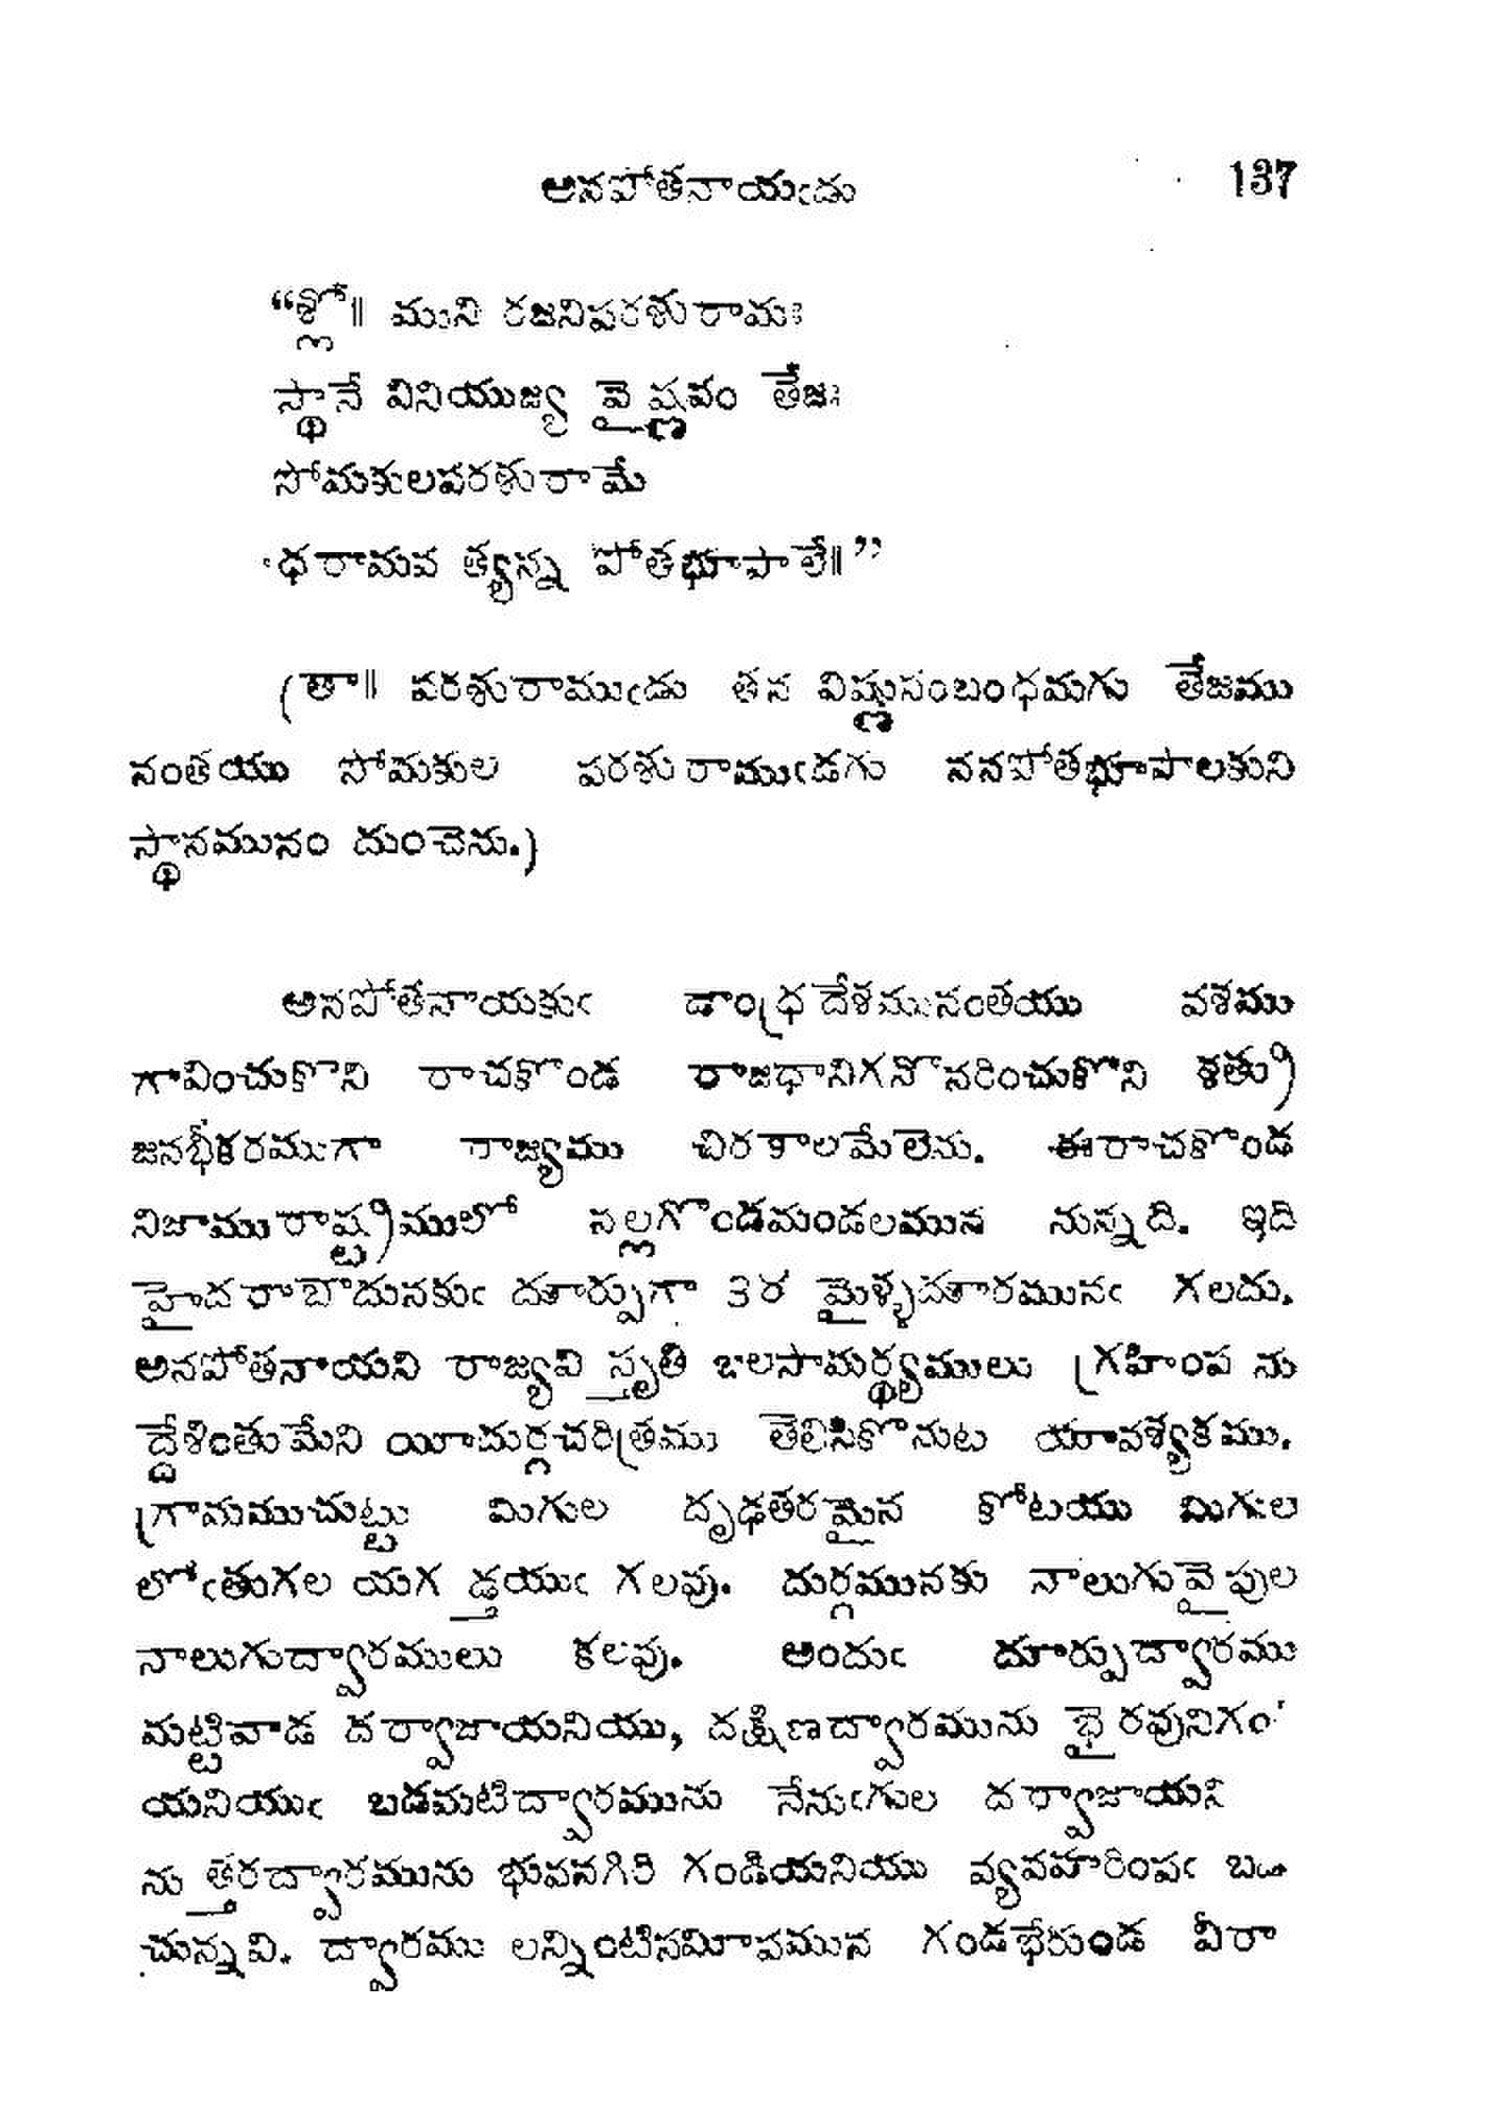"శ్లో|| ముని రజనిపరశురామ:
 స్థానే వినియుజ్య వైష్ణవం తేజ:
 సోమకులపరశురామే
 దరామవ త్యన్న పోతభూపాలే||"

(తా|| పరశురాముడు తన విష్ణుసంబంధమగు తేజము నంతయు సోమకుల పరశురాముడగు ననపోతభూపాలకుని స్థానమునం దుంచెను.)

అనపోతనాయకు డాంధ్రదేశమునంతయు వశము గావించుకొని రాచకొండ రాజధానిగ నొనరించుకొని శత్రు జనభీకరముగా రాజ్యము చిరకాలమేలెను. ఈరాచకొండ నిజామురాష్ట్రములో నల్లగొండమండలమున నున్నది. ఇది హైదరాబాదునకు దూర్పుగా 34 మైళ్ళదూరమున గలదు. అనపోతనాయని రాజ్యవిస్తృతి బలసామర్థ్యములు గ్రహింప నుద్దేశింతుమేని యీదుర్గచరిత్రము తెలిసికొనుట యావశ్యకము. గ్రామముచుట్టు మిగుల దృడతరమైన కోటయు మిగుల లోతుగల యగడ్తయు గలవు. దుర్గమునకు నాలుగువైపుల నాలుగు ద్వారములు కలవు. అందు దూర్పుద్వారము మట్టివాడ దర్వాజాయనియు, దక్షిణద్వారమును భైరవునిగం'గ యనియు, బడమటి ద్వారమును నేనుగుల దర్వాజాయనియు, నుత్తర ద్వారమును భువనగిరి గండియనియు వ్యవహరింప బడుచున్నవి. ద్వారము లన్నింటిసమీపమున గండభేరుండ వీరాంజ